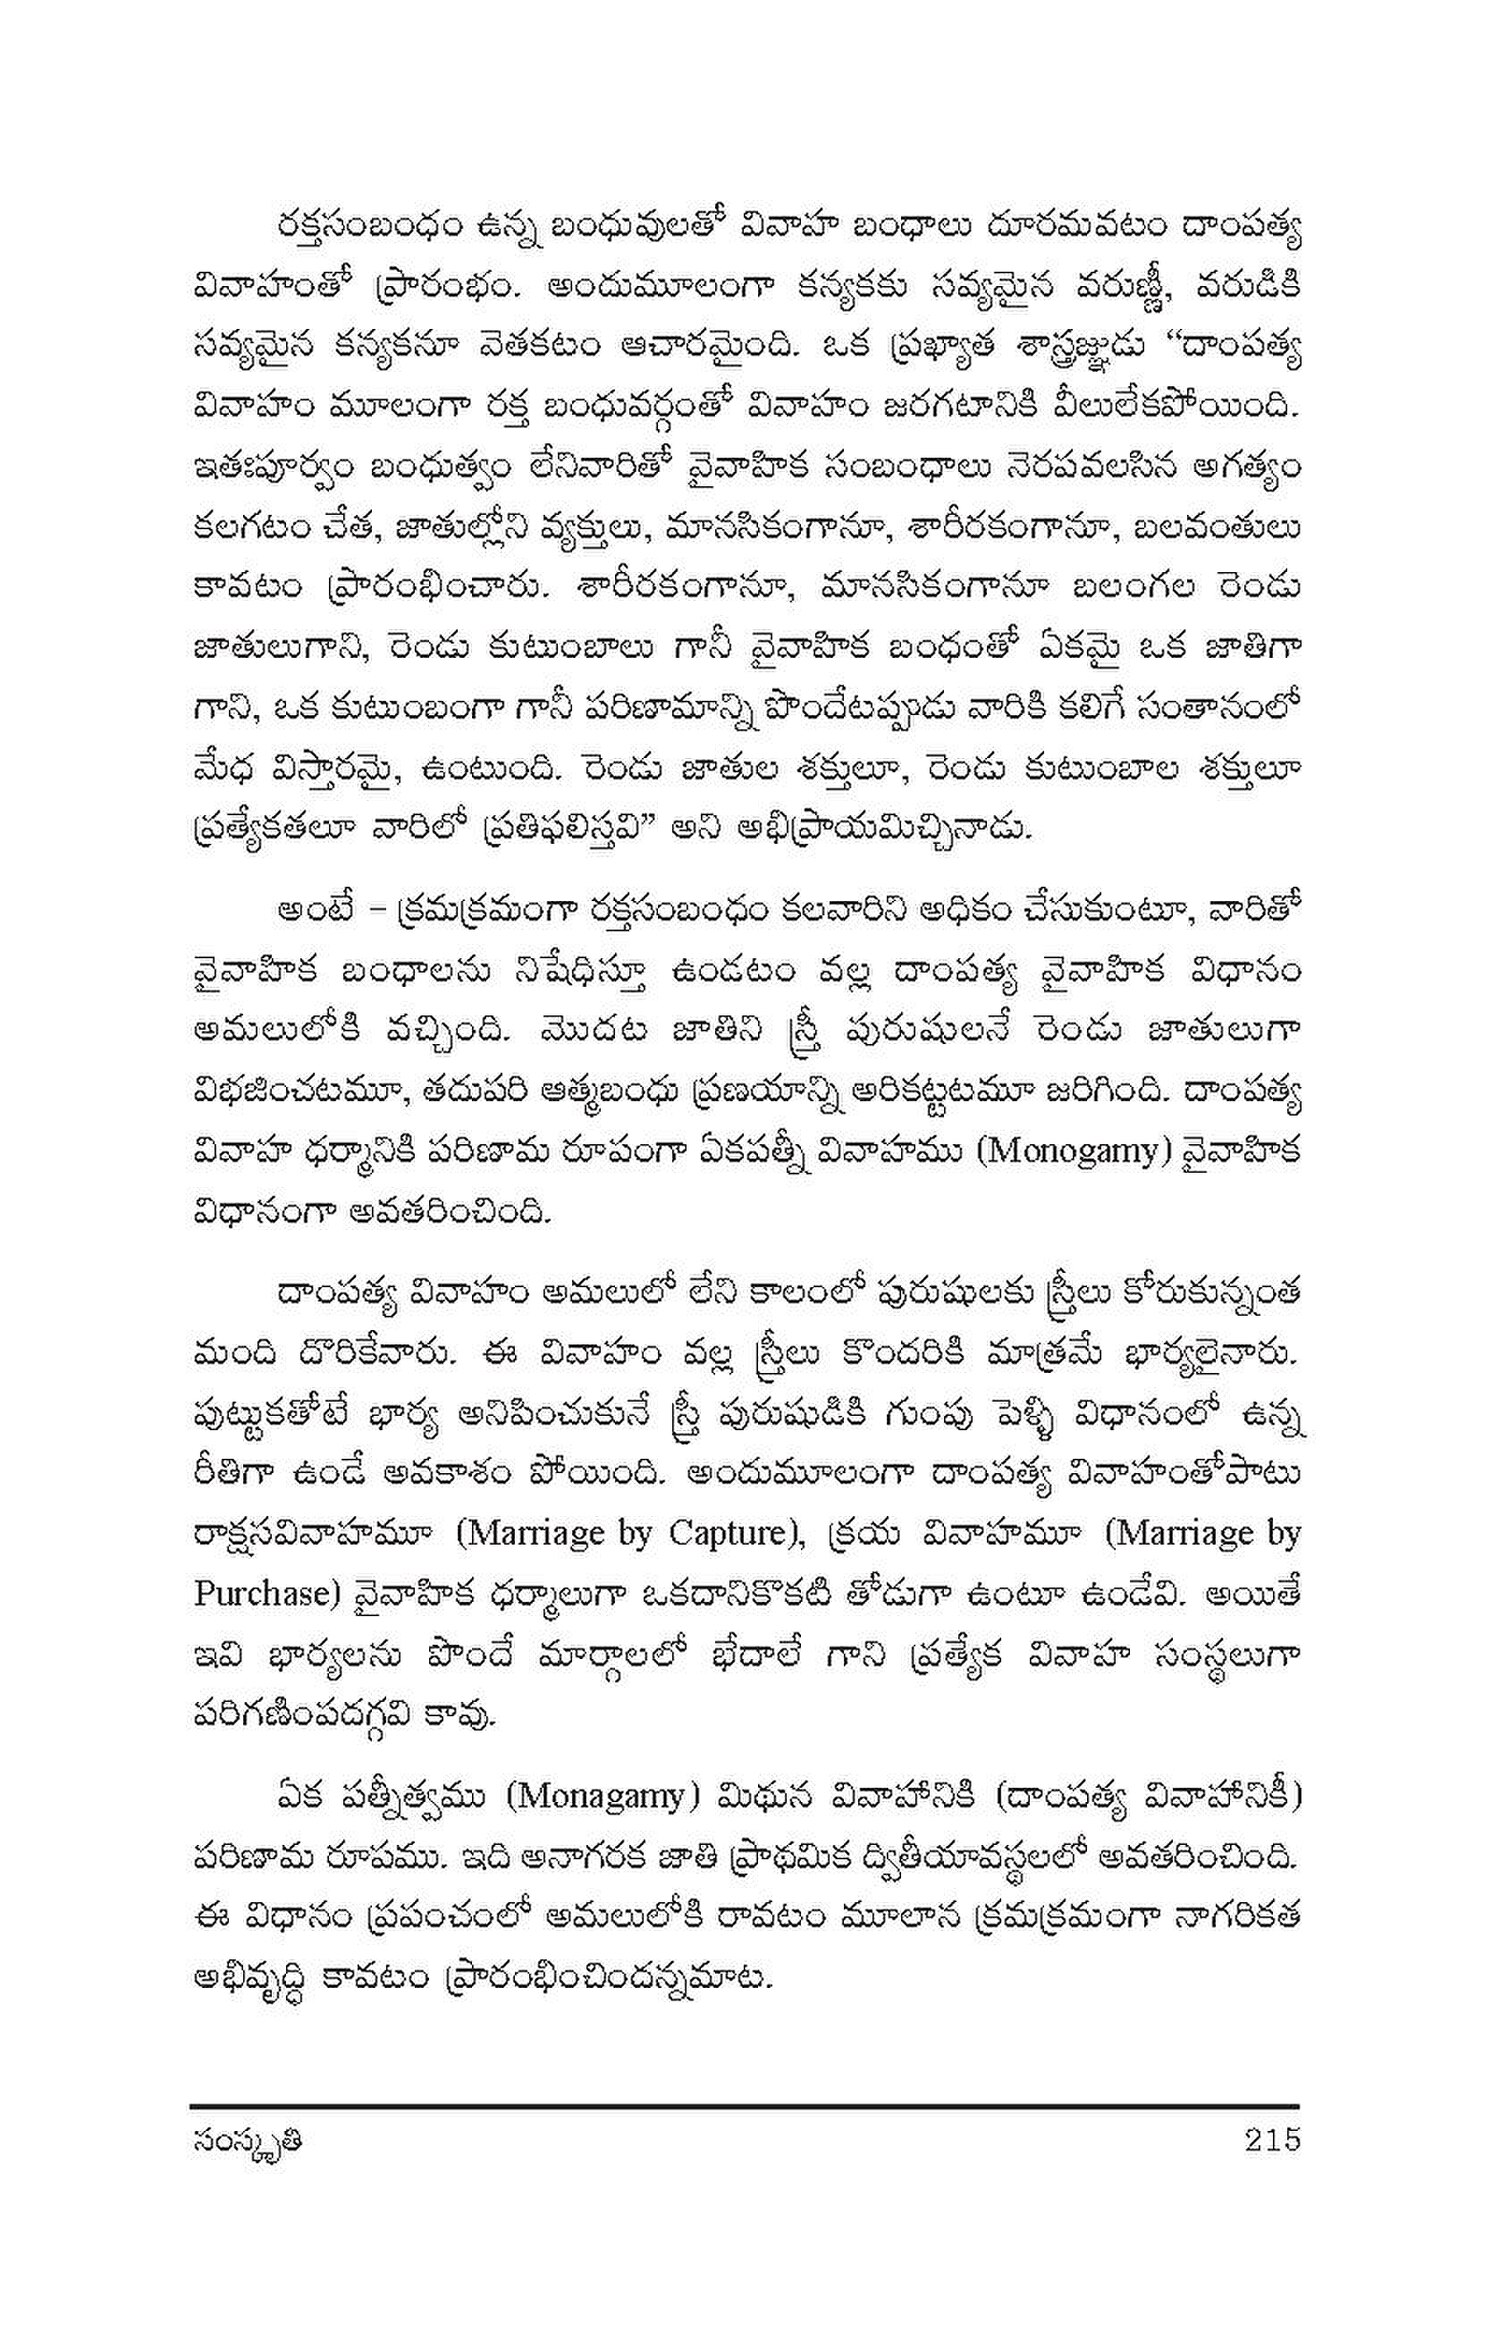రక్తసంబంధం ఉన్న బంధువులతో వివాహ బంధాలు దూరమవటం దాంపత్య
వివాహంతో ప్రారంభం. అందుమూలంగా కన్యకకు సవ్యమైన వరుణ్ణి, వరుడికి
సవ్యమైన కన్యకనూ వెతకటం ఆచారమైంది. ఒక ప్రఖ్యాత శాస్త్రజ్ఞుడు "దాంపత్య
వివాహం మూలంగా రక్త బంధువర్గంతో వివాహం జరగటానికి వీలులేకపోయింది.
ఇతఃపూర్వం బంధుత్వం లేనివారితో వైవాహిక సంబంధాలు నెరపవలసిన అగత్యం
కలగటం చేత, జాతుల్లోని వ్యక్తులు, మానసికంగానూ, శారీరకంగానూ, బలవంతులు
కావటం ప్రారంభించారు. శారీరకంగానూ, మానసికంగానూ బలంగల రెండు
జాతులుగాని, రెండు కుటుంబాలు గానీ వైవాహిక బంధంతో ఏకమై ఒక జాతిగా
గాని, ఒక కుటుంబంగా గానీ పరిణామాన్ని పొందేటప్పుడు వారికి కలిగే సంతానంలో
మేధ విస్తారమై, ఉంటుంది. రెండు జాతుల శక్తులూ, రెండు కుటుంబాల శక్తులూ
ప్రత్యేకతలూ వారిలో ప్రతిఫలిస్తవి" అని అభిప్రాయమిచ్చినాడు.

అంటే - క్రమక్రమంగా రక్తసంబంధం కలవారిని అధికం చేసుకుంటూ, వారితో
వైవాహిక బంధాలను నిషేధిస్తూ ఉండటం వల్ల దాంపత్య వైవాహిక విధానం
అమలులోకి వచ్చింది. మొదట జాతిని స్త్రీ పురుషులనే రెండు జాతులుగా
విభజించటమూ, తదుపరి ఆత్మబంధు ప్రణయాన్ని అరికట్టటమూ జరిగింది. దాంపత్య
వివాహ ధర్మానికి పరిణామ రూపంగా ఏకపత్నీ వివాహము (Monogamy) వైవాహిక
విధానంగా అవతరించింది.

దాంపత్య వివాహం అమలులో లేని కాలంలో పురుషులకు స్త్రీలు కోరుకున్నంత
మంది దొరికేవారు. ఈ వివాహం వల్ల స్త్రీలు కొందరికి మాత్రమే భార్యలైనారు.
పుట్టుకతోటే భార్య అనిపించుకునే స్త్రీ పురుషుడికి గుంపు పెళ్ళి విధానంలో ఉన్న
రీతిగా ఉండే అవకాశం పోయింది. అందుమూలంగా దాంపత్య వివాహంతోపాటు
రాక్షసవివాహమూ (Marriage by Capture), క్రయ వివాహమూ (Marriage by
Purchase) వైవాహిక ధర్మాలుగా ఒకదానికొకటి తోడుగా ఉంటూ ఉండేవి. అయితే
ఇవి భార్యలను పొందే మార్గాలలో భేదాలే గాని ప్రత్యేక వివాహ సంస్థలుగా
పరిగణింపదగ్గవి కావు.

ఏక పత్నీత్వము (Monagamy) మిథున వివాహానికి (దాంపత్య వివాహానికీ)
పరిణామ రూపము. ఇది అనాగరక జాతి ప్రాథమిక ద్వితీయావస్థలలో అవతరించింది.
ఈ విధానం ప్రపంచంలో అమలులోకి రావటం మూలాన క్రమక్రమంగా నాగరికత అభివృద్ధి కావటం ప్రారంభించిందన్నమాట.